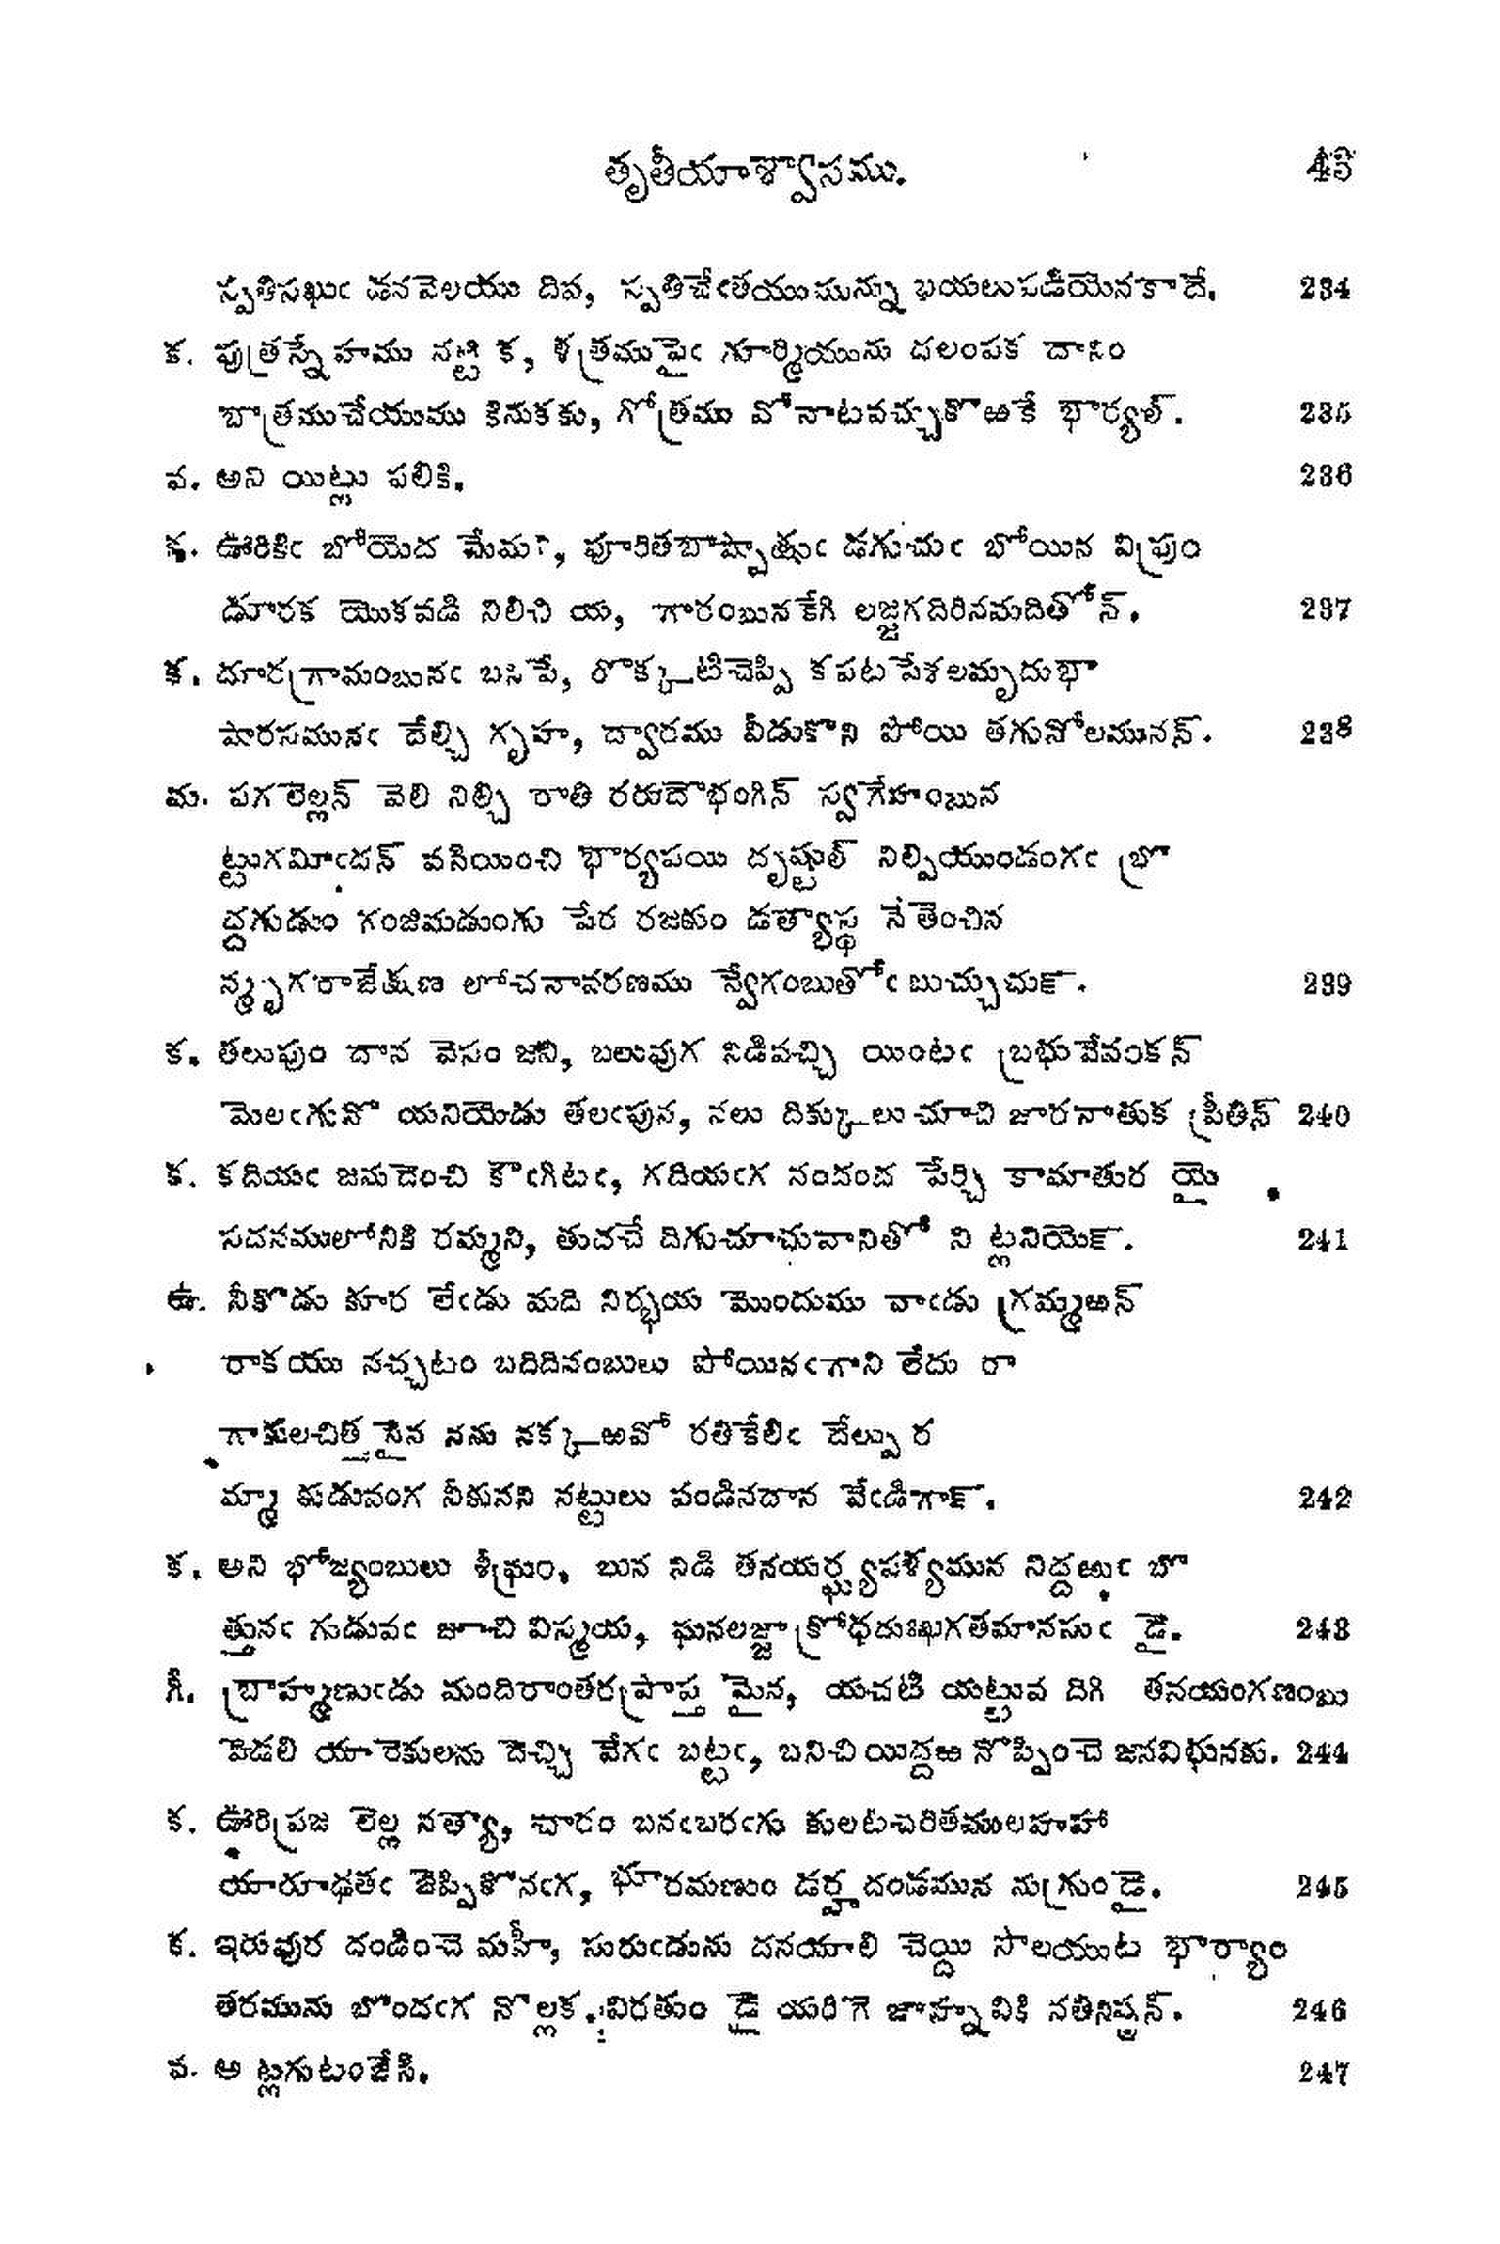స్పతిసఖుఁ డన వెలయు దివ, స్పతిచేఁతయు మున్ను బయలుపడియెనకాదే.
క. పుత్రస్నేహము నట్టి క, ళత్రముపైఁ గూర్మియును దలంపక దానిం
 బాత్రము చేయుము కినుకకు, గోత్రము వోనాటవచ్చుకొఱకే భార్యల్.
వ. అని యిట్లు పలికి.
క. ఊరికిఁ బోయెద మేమని, పూరితబాష్పాక్షుఁ డగుచుఁ బోయిన విప్రుం
 డూరక యొకవడి నిలిచి య, గారంబున కేగి లజ్జగదిరినమదితోన్.
క. దూరగ్రామంబునఁ బని పే, రొక్కటి చెప్పి కపటపేశలమృదుభా
 షారసమునఁ దేల్చి గృహ, ద్వారము వీడుకొని పోయి తగునోలమునన్.
మ. పగలెల్లన్ వెలి నిల్చి రాతి రరుదౌభంగిన్ స్వగేహంబున
 ట్టుగమీఁదన్ వసియించి భార్యపయి దృష్టుల్ నిల్పియుండంగఁ బ్రొ
 ద్దగుడుం గంజిమడుంగు పేర రజకుం డత్యాస్థ నే తెంచిన
 న్మృగరాజేక్షణ లోచనావరణము న్వేగంబుతోఁ బుచ్చుచున్.
క. తలుపుం దాన వెసం జని, బలుపుగ నిడి వచ్చి యింటఁ బ్రభు వేవంకన్
 మెలఁగునొ యనియెడు తలఁపున, నలుదిక్కులు చూచి జారనాతుక ప్రీతిన్.
క. కదియఁ జనుదెంచి కౌఁగిటఁ, గదియఁగ నందంద పేర్చి కామాతుర యై
 సదనములోనికి రమ్మని, తుదచే దిగుచూచువానితో నిట్లనియెన్.
ఉ. నీకొడు కూర లేఁడు మది నిర్భయ మొందుము వాఁడు గ్రమ్మఱన్
 రాకయు నచ్చటం బదిదినంబులు పోయినఁ గాని లేదు రా
 గాకులచిత్త నైన నను నక్కఫవో రతికేలిఁ దేల్పు ర
 మ్మా కుడువంగ నీకు నని నట్టులు వండినదాన వేఁడిగాన్.
క. అని భోజ్యంబులు శీఘ్రం, బున నిడి తనయర్ఘ్యసత్యమున నిద్దఱుఁ బొ
 త్తునఁ గుడువఁ జూచి విస్మయ, ఘనలజ్జాక్రోధదుఃఖగతమానసుఁ డై.
గీ. బ్రాహ్మణుఁడు మందిరాంతరప్రాప్త మైన, యచటి యట్టువ దిగి తనయంగణంబు
 వెడలి యారెకులను దెచ్చి వేగఁ బట్టఁ, బనిచి యిద్దఱ నొప్పించె జనవిభునకు.
క. ఊరిప్రజ లెల్ల నత్యా, చారం బనఁబరఁగు కులటచరితము లహహా
 యారూఢతఁ జెప్పికొనఁగ, భూరమణుం డర్హదండమున నుగ్రుండై.
క. ఇరువుర దండించె మహీ, సురుఁడును దనయాలి చెయ్ది సొలయుట భార్యాం
 తరమును బొందఁగ నొల్లక, విరతుం డై యరిగె జాహ్నవికి నతినిష్ఠన్.
వ. అ ట్లగుటంజేసి.